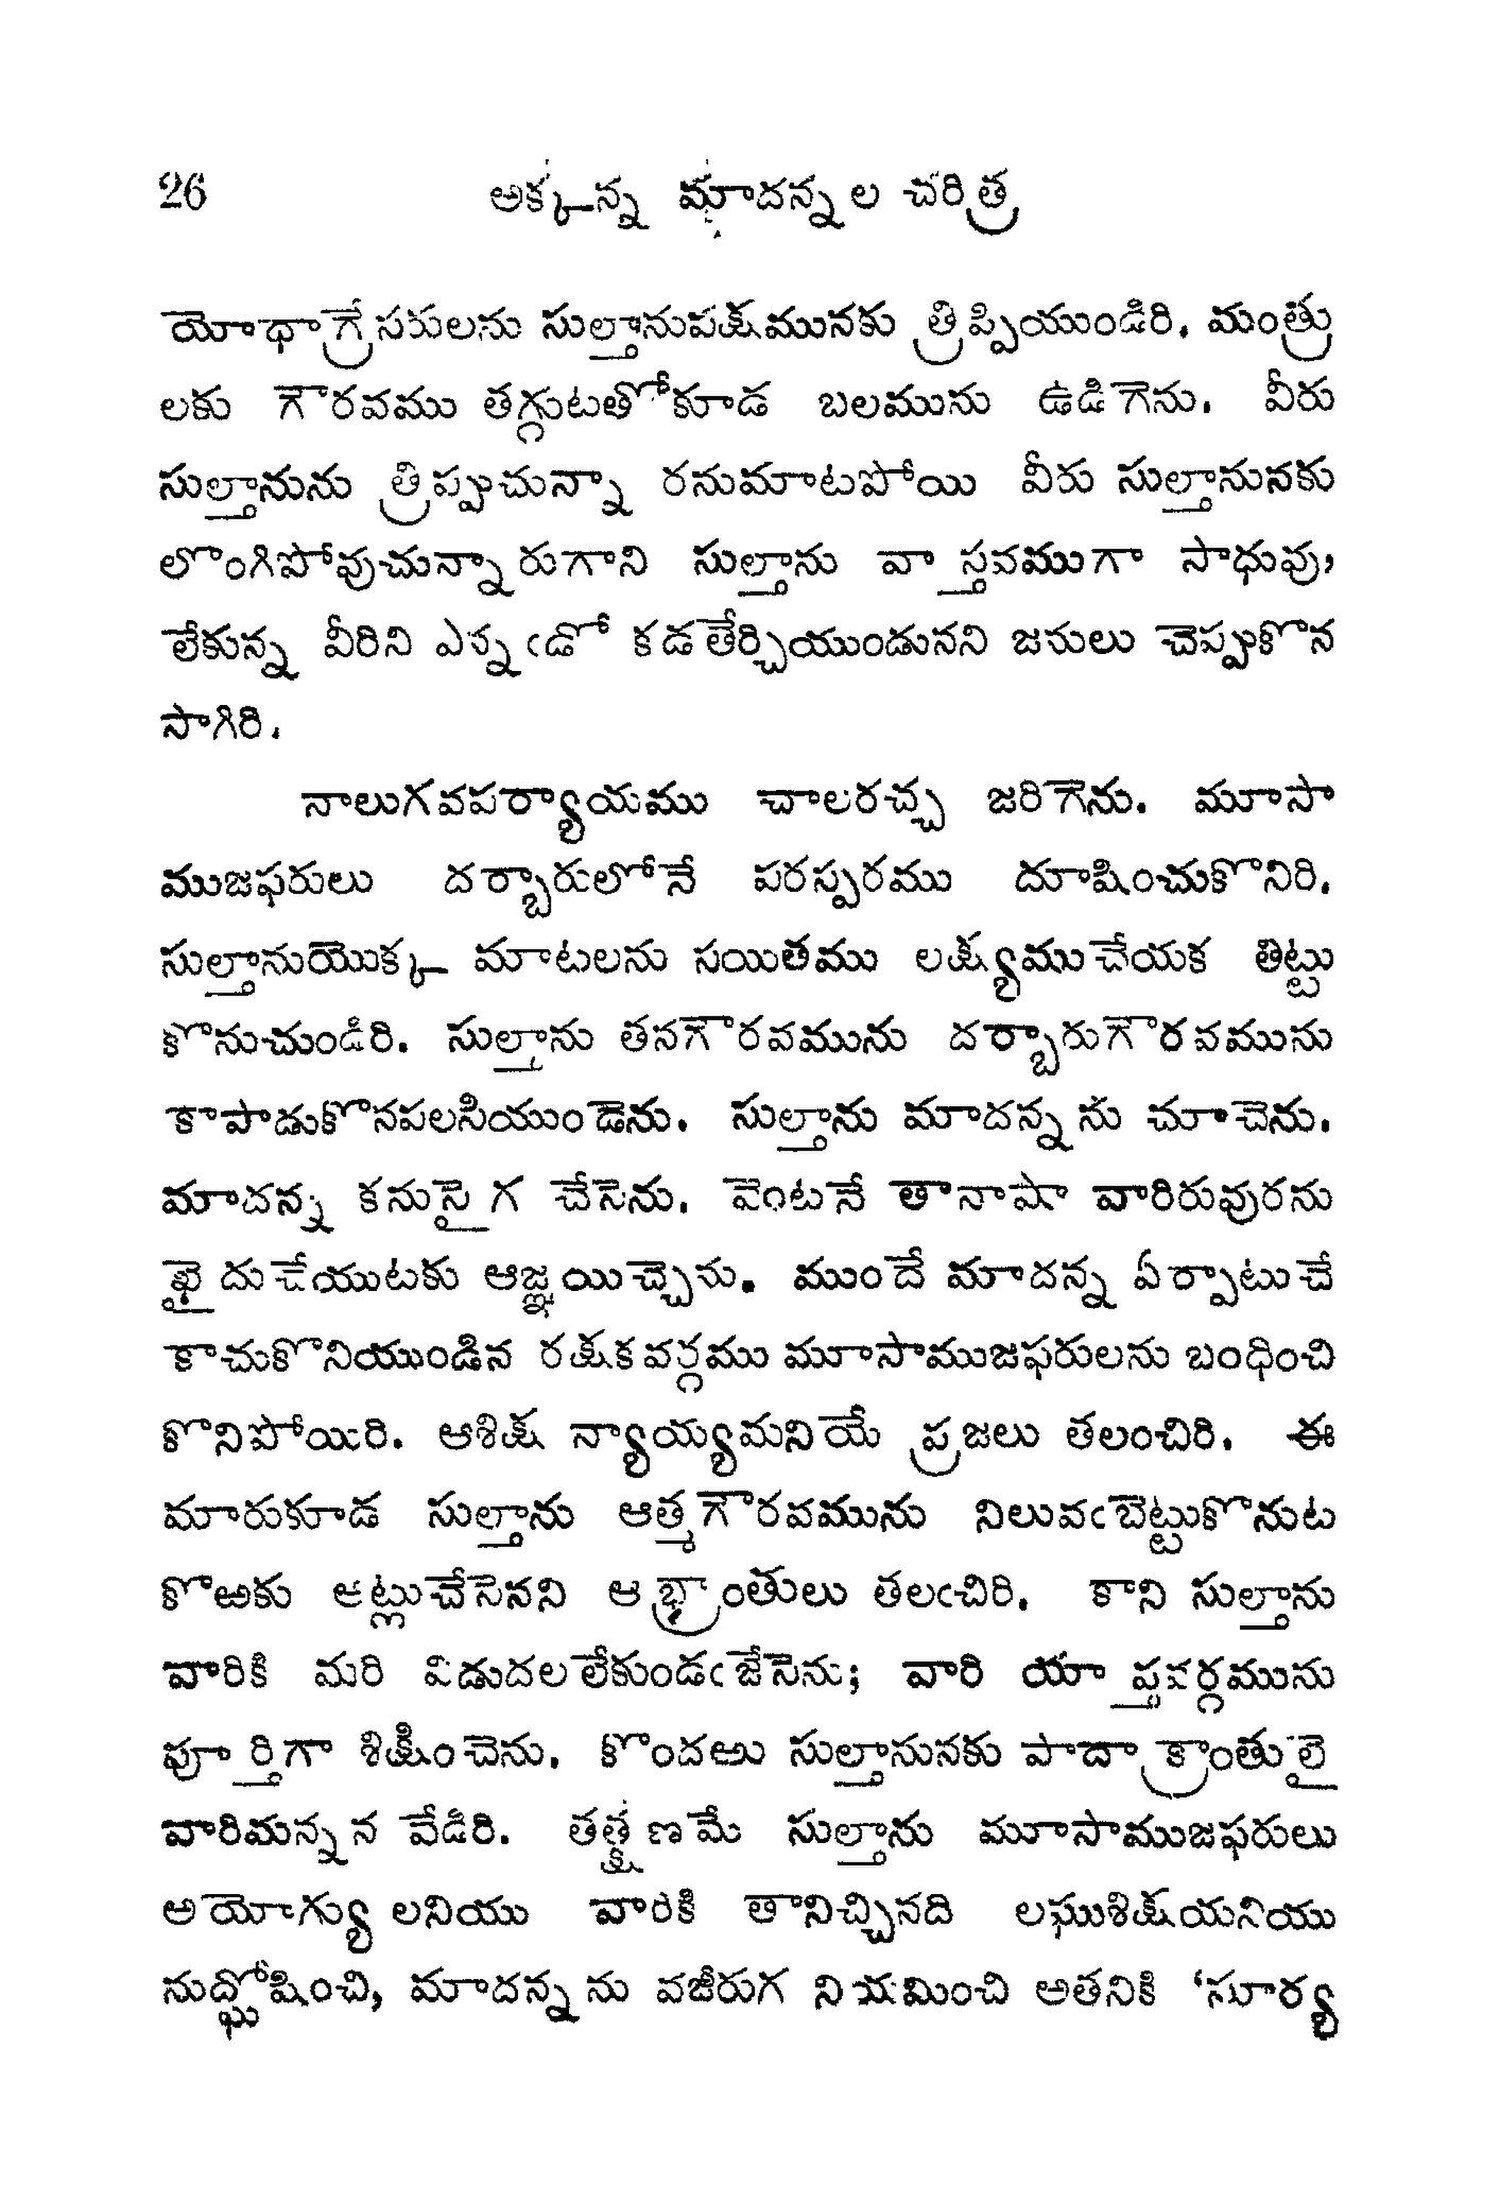యోధాగ్రేసరులను సుల్తానుపక్షమునకు త్రిప్పియుండిరి. మంత్రులకు గౌరవము తగ్గుటతోకూడ బలమును ఉడిగెను. వీరు సుల్తానును త్రిప్పచున్నా రనుమాటపోయి వీరు సుల్తానునకు లొంగిపోవుచున్నారుగాని సుల్తాను వాస్తవముగా సాధువు, లేకున్న వీరిని ఎన్నఁడో కడతేర్చియుండునని జనులు చెప్పకొన సాగిరి.

నాలుగవపర్యాయము చాలరచ్చ జరిగెను. మూసా ముజఫరులు దర్బారులోనే పరస్పరము దూషించుకొనిరి. సుల్తానుయొక్క మాటలను సయితము లక్ష్యముచేయక తిట్టు కొనుచుండిరి. సుల్తాను తనగౌరవమును దర్బారుగౌరవమును కాపాడుకొనవలసియుండెను. సుల్తాను మాదన్నను చూచెను. మాదన్న కనుసైగ చేసెను. వెంటనే తానాషా వారిరువురను ఖైదుచేయుటకు ఆజ్ఞయిచ్చెను. ముందే మాదన్న ఏర్పాటుచే కాచుకొనియుండిన రక్షకవర్గము మూసాముజఫరులను బంధించి కొనిపోయిరి. ఆశిక్ష న్యాయ్యమనియే ప్రజలు తలంచిరి. ఈ మారుకూడ సుల్తాను ఆత్మగౌరవమును నిలువఁబెట్టుకొనుట కొఱకు అట్లుచేసెనని ఆభ్రాంతులు తలఁచిరి. కాని సుల్తాను వారికి మరి విడుదలలేకుండఁజేసెను; వారి యాప్తవర్గమును పూర్తిగా శిక్షించెను. కొందఱు సుల్తానునకు పాదాక్రాంతులై వారిమన్నన వేడిరి. తత్క్షణమే సుల్తాను మూసాముజఫరులు అయోగ్యు లనియు వారికి తానిచ్చినది లఘుశిక్షయనియు నుద్ఘోషించి, మాదన్నను వజీరుగ నియమించి అతనికి ‘సూర్య